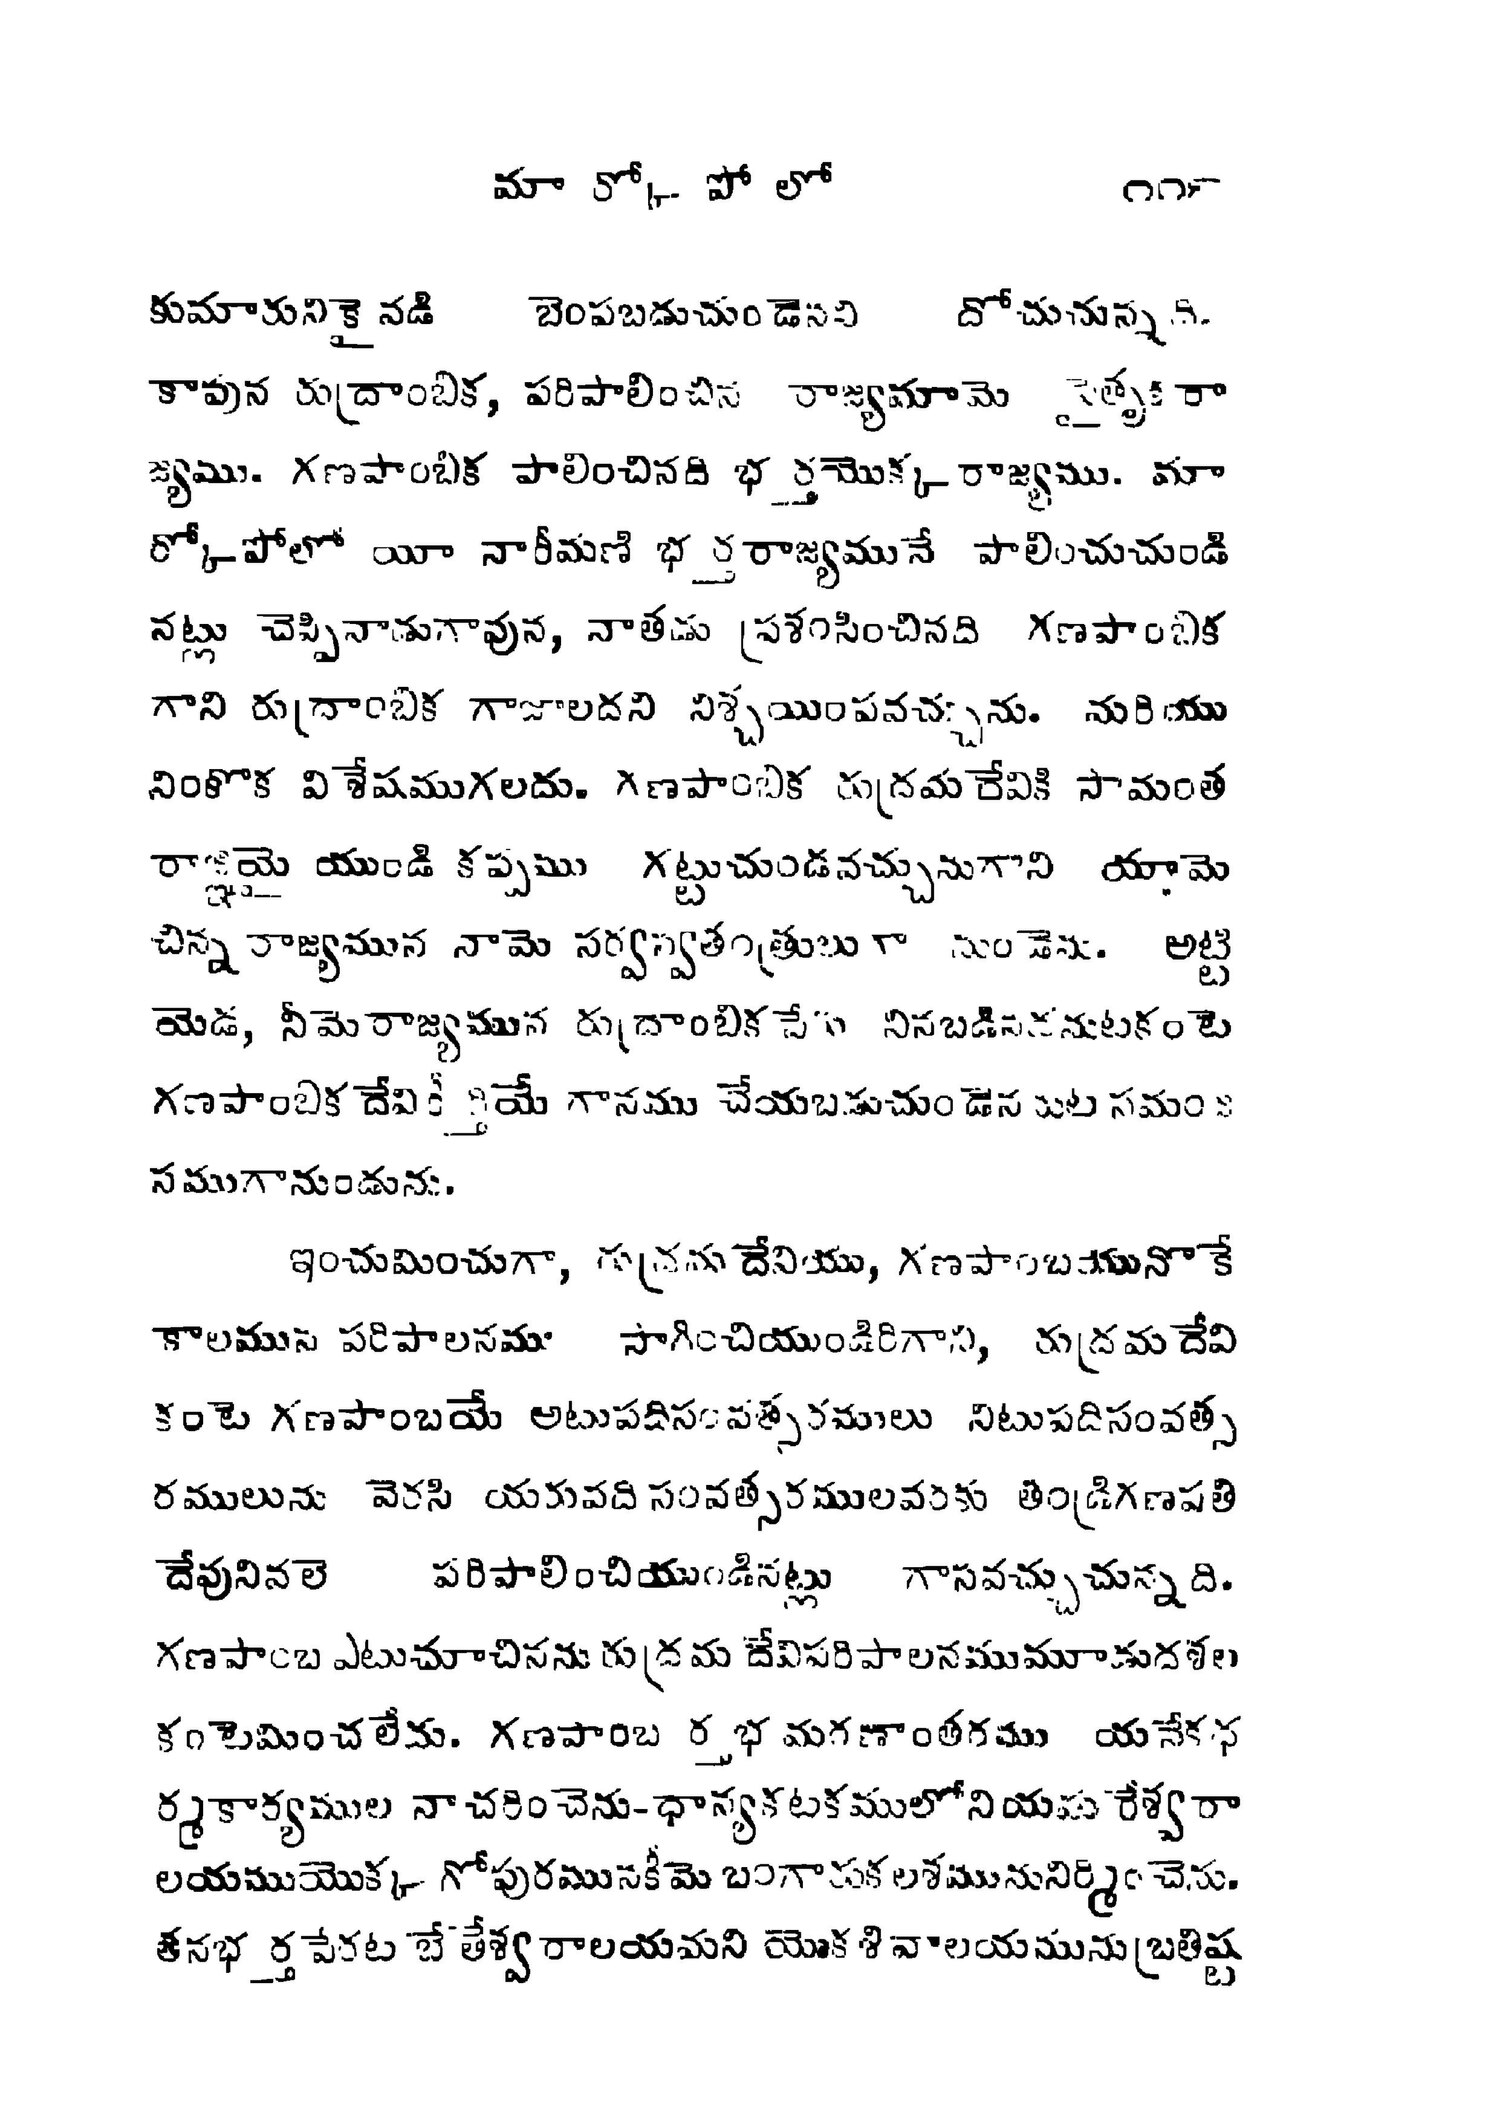కుమారునికైవడి బెంపబడుచుండెనని దోచుచున్నది. కావున రుద్రాంబిక, పరిపాలించిన రాజ్యమామె పితృకరాజ్యము. గణపాంబిక పాలించినది భర్తయొక్క రాజ్యము. మార్కోపోలో యీ నారీమణి భర్తరాజ్యమునే పాలించుచుండినట్లు చెప్పినాడుగావున, నాతడు ప్రశంసించినది గణపాంబిక గాని రుద్రాంబిక గాజాలదని నిశ్చయింపవచ్చును. మరియు నొంకొక విశేషముగలదు. గణపాంబిక రుద్రమదేవికి సామంత రాజ్ఞియై యుండి కప్పము గట్టుచుండ వచ్చునుగాని యామె చిన్న రాజ్యమున నామె సర్వస్వతంత్రులుగా నుండెను. అట్టియెడ, నీమె రాజ్యమున రుద్రాంబికపేరు వినబడినదనుటకంటె గణపాంబికదేవికీర్తియే గానము చేయబడు చుండెననుట సమంజసముగా నుండును.

ఇంచుమించుగా, రుద్రమదేవియు, గణపాంబయునొకే కాలమున పరిపాలనము సాగించియుండిరిగాని, రుద్రమదేవి కంటె గణపాంబయే అటుపదిసంవత్సరములు నిటుపదిసంవత్సరములును వెరసి యరువది సంవత్సరముల వరకు తిండ్రిగణపతి దేవునివలె పరిపాలించి యుండినట్లు గానవచ్చుచున్నది. గణపాంబ ఎటుచూచినను రుద్రమ దేవి పరిపాలనము మూడుదశల కంటెమించలేదు. గణపాంబ భర్త మరణాంతరము యనేకధర్మ కార్యముల నాచరించెను. ధాన్యకటకము లోని యమరేశ్వరాలయము యొక్క గోపురమునకీమె బంగారు కలశమును నిర్మించెను. తనభర్తపేరిట బేతేశ్వరాలయమని యొక శివాలయమును బ్రతిష్ట